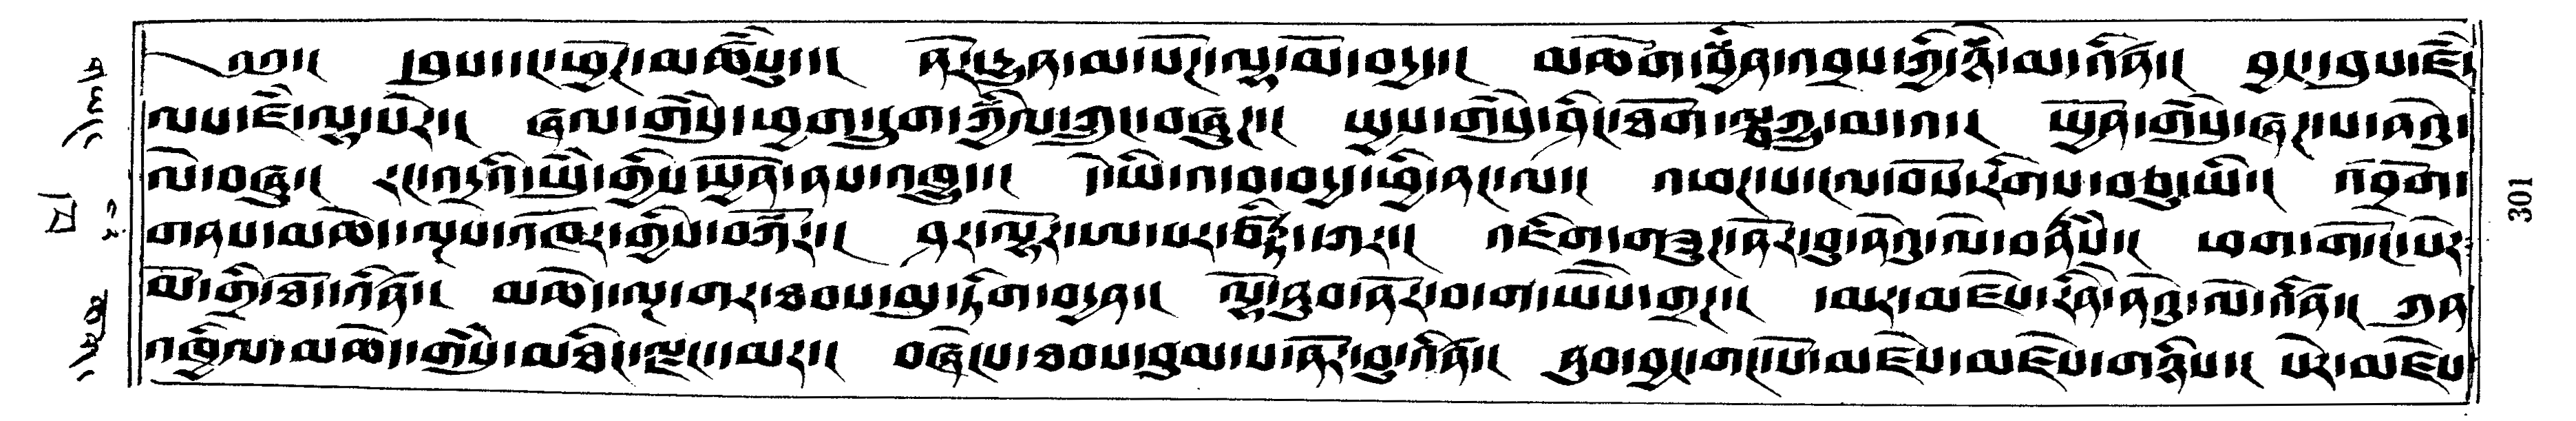དབུས་དང་ཕྱོགས་མཚམས་སུ། །ནོར་རྒྱུན་མ་སོགས་ལྷ་མོ་བརྒྱད། །མཆོག་སྦྱིན་འབྲས་ཀྱི་སྙེ་མ་འཛིན། །བྱང་དབུས་ཛམ་
ལས་ཛམ་ལྷ་སེར། །ཞལ་གསུམ་ཕྱག་དྲུག་སྐྱིལ་ཀྲུང་བཞུགས། །གཡས་གསུམ་ཤིང་ཐོག་ལྕགས་ཀྱུ་མདའ། །གཡོན་གསུམ་ཞགས་པ་ནེའུ་
ལེ་གཞུ། །རང་འདྲའི་ཡུམ་གྱིས་གཡོན་ནས་འཁྱུད། །དེ་ཡི་འདབ་བརྒྱད་ཕྱི་ནང་ལ། །འཕགས་པ་ངལ་བསོ་རིགས་བཅུ་ཡི། །འབྲོག་
གནས་མཆེད་ལྔས་འཁོར་གྱིས་བསྐོར། །ཤར་ལྷོར་ཨ་པར་ཙིཏྟ་དཀར། །འཇིགས་གཟུགས་ནོར་བུ་ནེའུ་ལེ་བསྣམས། །ཕག་གདོང་སེར་
མོ་གྲི་ཐོད་འཛིན། །མཆེད་ལྔ་གར་ཐབས་མུ་ཏིག་བརྒྱན། །ལྷོ་ནུབ་ནོར་བདག་ཡེ་ཤེས་གྲགས། །དམར་མཛེས་རིན་ཆེན་ནེའུ་ལེ་འཛིན། །ཀུན་
འཁྱིལ་མཆེད་གསུམ་མཐིང་ལྗང་དམར། །བཞེངས་ཐབས་བུམ་པ་ནོར་བུ་འཛིན། །ནུབ་བྱང་གང་པོ་མཛེས་མཛེས་གཉིས། །སེར་མཛེས་